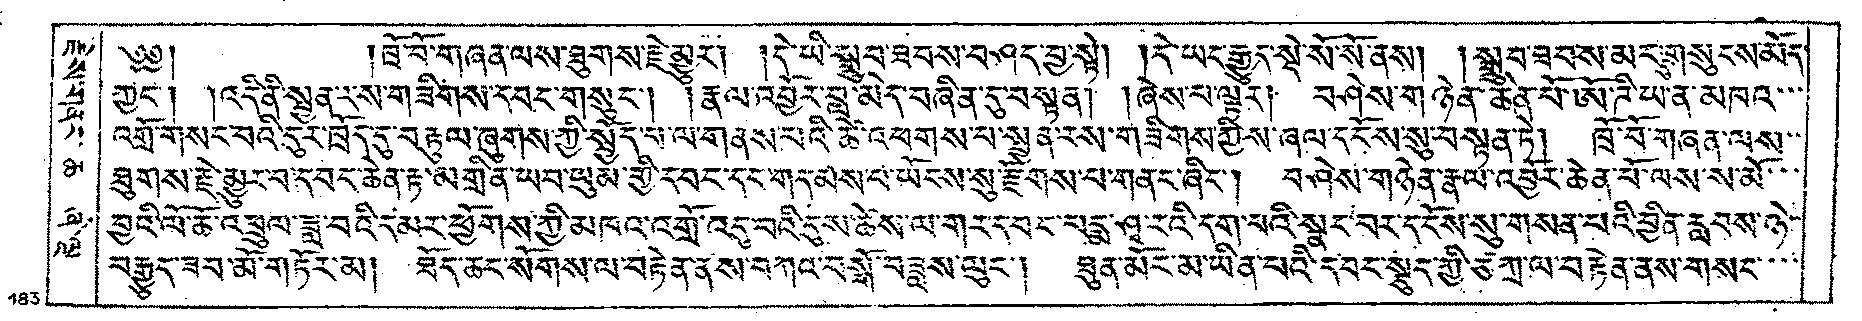༄༅། །ཁྲོ་བོ་གཞན་ལས་ཐུགས་རྗེ་མྱུར། །དེ་ཡི་སྒྲུབ་ཐབས་བཤད་བྱ་སྟེ། །དེ་ཡང་རྒྱུད་སྡེ་སོ་སོ་ནས། །སྒྲུབ་ཐབས་མང་དུ་གསུངས་མོད་
ཀྱང་། །འདི་ནི་སྤྱན་རས་གཟིགས་དབང་གསུང་། །རྣལ་འབྱོར་བླ་མེད་བཞིན་དུ་བསྟན། །ཞེས་པ་ལྟར། བཤེས་གཉེན་ཆེན་པོ་ཨོ་ཌི་ཡ་ན་མཁའ་
འགྲོ་གསང་བའི་དུར་ཁྲོད་དུ་བརྟུལ་ཞུགས་ཀྱི་སྤྱོད་པ་ལ་གནས་པའི་ཚེ་འཕགས་པ་སྤྱན་རས་གཟིགས་ཀྱིས་ཞལ་དངོས་སུ་བསྟན་ཏེ། ཁྲོ་བོ་གཞན་ལས་
ཐུགས་རྗེ་མྱུར་བ་དབང་ཆེན་རྟ་མགྲིན་ཡབ་ཡུམ་གྱི་དབང་དང་གདམས་པ་ཡོངས་སུ་རྫོགས་པ་གནང་ཞིང་། བཤེས་གཉེན་རྣལ་འབྱོར་ཆེན་པོ་ལས་ས་མོ་
བྱའི་ལོ་ཆོ་འཕྲུལ་ཟླ་བའི་དམར་ཕྱོགས་ཀྱི་མཁའ་འགྲོ་འདུ་བའི་དུས་ཚེས་ལ་གར་དབང་པདམ་ཤྭ་རའི་དག་པའི་སྣང་བར་དངོས་སུ་གསན་པའི་བྱིན་རླབས་ཉེ་
བརྒྱུད་ཟབ་མོ་གཏོར་མ། ཐོད་ཆང་སོགས་ལ་བརྟེན་ནས་བཀའ་བསྒོ་བཟླས་ལུང་། ཐུན་མོང་མ་ཡིན་པའི་དབང་སྡུད་ཀྱི་ཙ་ཀྲ་ལ་བརྟེན་ནས་གསང་